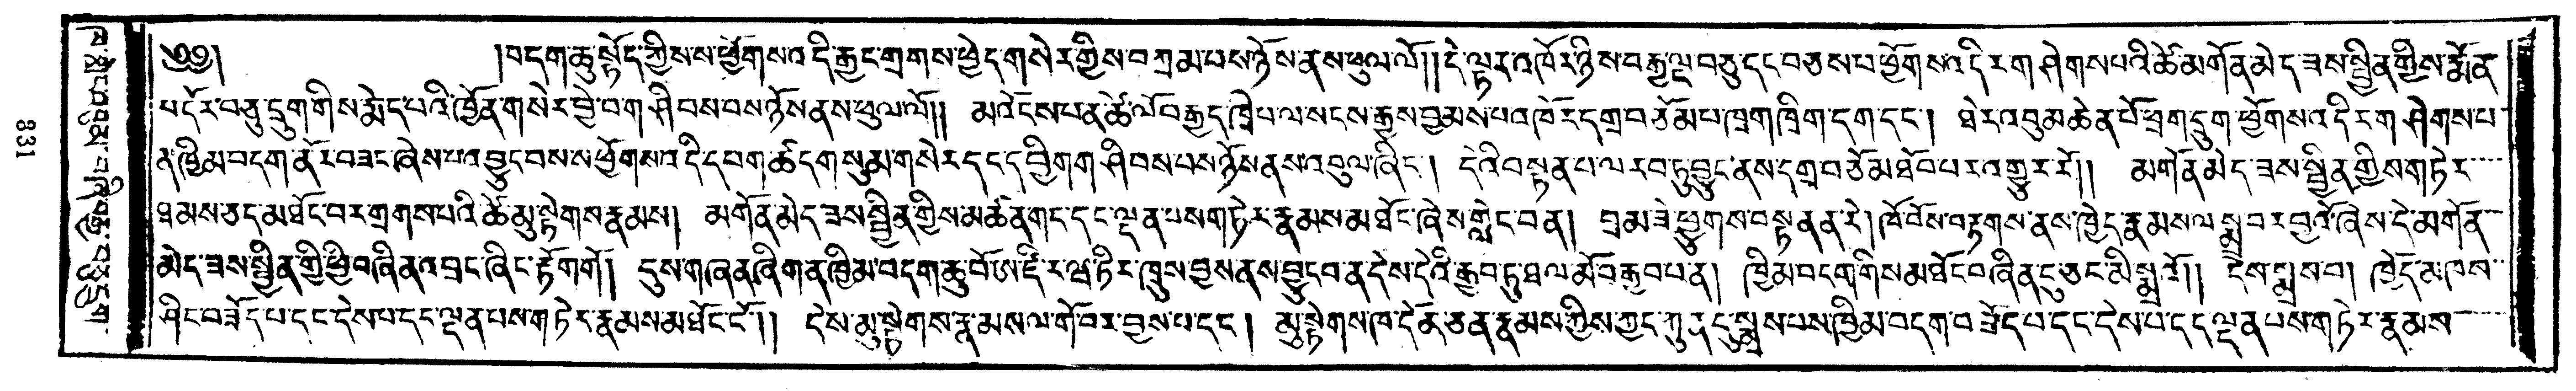༄༅། །བདག་ཆུ་སྟོད་ཀྱིས་ས་ཕྱོགས་འདི་རྒྱང་གྲགས་ཕྱེད་གསེར་གྱིས་བཀྲམ་པས་ཉོས་ནས་ཕུལ་ལོ། །དེ་ལྟར་འཁོར་ཉིས་བརྒྱ་ལྔ་བཅུ་དང་བཅས་པ་ཕྱོགས་འདིར་གཤེགས་པའི་ཚེ་མགོན་མེད་ཟས་སྦྱིན་གྱིས་རྨོན་
པ་དོར་བཅུ་དྲུག་གིས་རྨེད་པའི་ཁྱོན་གསེར་བྱེ་བ་གཤིབས་བས་ཉོས་ནས་ཕུལ་ལོ།། མའོངས་པ་ན་ཚེ་ལོ་བརྒྱད་ཁྲེབ་ལ་སངས་རྒྱས་བྱམས་པ་འཁོར་དགྲ་བཅོམ་པ་ཁྲག་ཁྲིག་དག་དང་། ཐེར་འབུམ་ཆེན་པོ་ཕྲག་དྲུག་ཕྱོགས་འདིར་གཤེགས་པ་
ན་ཁྱིམ་བདག་ནོར་བཟང་ཞེས་པ་འབྱུང་བས་ས་ཕྱོགས་འདི་དཔག་ཚད་གསུམ་གསེར་དང་དབྱིག་གཤིབས་པས་ཉོས་ནས་འབུལ་ཞིང་། དེའི་བསྟན་པ་ལ་རབ་ཏུ་བྱུང་ནས་དགྲ་བཅོམ་ཐོབ་པར་འགྱུར་རོ།། མགོན་མེད་ཟས་སྦྱིན་གྱིས་གཏེར་
ཐམས་ཅད་མཐོང་བར་གྲགས་པའི་ཚེ་མུ་སྟེགས་རྣམས། མགོན་མེད་ཟས་སྦྱིན་གྱིས་མཚན་གང་དང་ལྡན་པས་གཏེར་རྣམས་མཐོང་ཞེས་གླེང་བ་ན། བྲམ་ཟེ་ཕྱུགས་བསྟན་ན་རེ། ཁོ་བོས་བརྟགས་ནས་ཁྱེད་རྣམས་ལ་སྨྲ་བར་བྱའོ་ཞེས་དེ་མགོན་
མེད་ཟས་སྦྱིན་གྱི་ཕྱི་བཞིན་འབྲང་ཞིང་རྟོག་གོ། དུས་གཞན་ཞིག་ན་ཁྱིམ་བདག་ཆུ་བོ་ཨ་ཛི་ར་ཝ་ཏིར་ཁྲུས་བྱས་ནས་བྱུང་བ་ན་དེས་དེའི་རྒྱབ་ཏུ་ཐལ་མོ་བརྒྱབ་པ་ན། ཁྱིམ་བདག་གིས་མཐོང་བཞིན་དུ་ཅང་མི་སྨྲའོ།། དེས་སྨྲས་བ། ཁྱོད་མཁས་
ཤིང་བཟོད་པ་དང་དེས་པ་དང་ལྡན་པས་གཏེར་རྣམས་མཐོང་ངོ།། དེས་མུ་སྟེགས་རྣམས་ལ་གོ་བར་བྱས་པ་དང་། མུ་སྟེགས་ཁ་དོན་ཅན་རྣམས་ཀྱིས་ཀྱང་ཀུན་དུ་སྨྲས་པས་ཁྱིམ་བདག་བཟོད་པ་དང་དེས་པ་དད་ལྡན་པས་གཏེར་རྣམས་